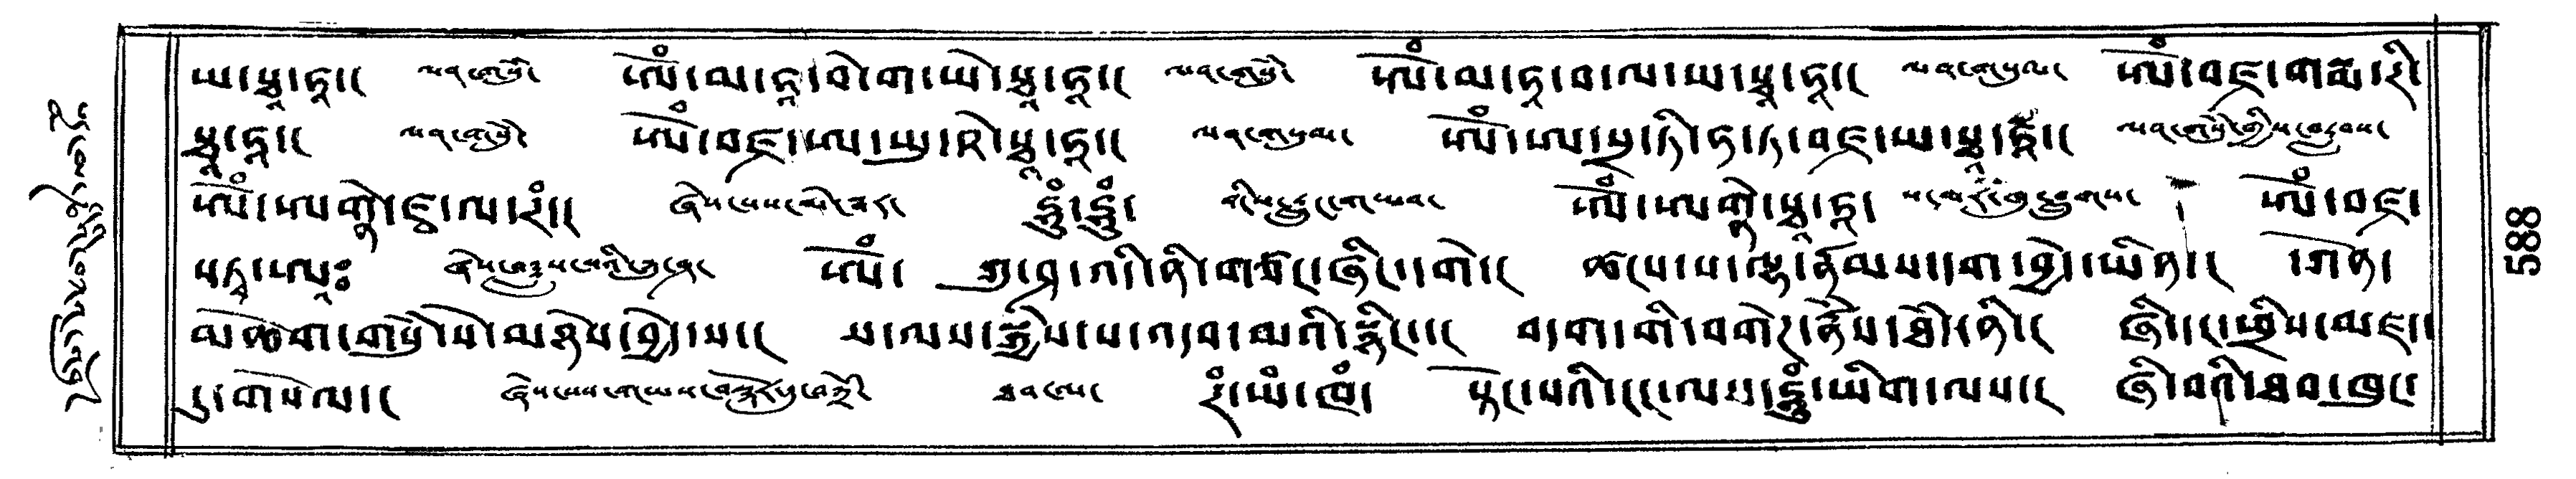ཡེ་སྭ་ཧཱ། ལན་གསུམ། ཨོཾ་མ་ཧཱ་བེ་ག་ཡེ་སྭ་ཧཱ། ལན་གསུམ། ཨོཾ་མ་ཧཱ་བ་ལ་ཡེ་སྭ་ཧཱ། ལན་གསུམ། ཨོཾ་བཛྲ་གསྨ་རི་
སྭ་ཧཱ། ལན་གསུམ། ཨོཾ་བཛྲ་ཨ་ཡུ་རེ་སྭ་ཧཱ། ལན་གསུམ ། ཨོཾ་ཨ་པྲ་ཏི་ཧ་ཏ་བཛྲ་ཡ་སྭ་ཧཱ། ལན་གསུམ་གྱིས་བརླབས། 
ཨོཾ་ཨགྣེ་ཛྭ་ལ་རཾ། ཞེས་པས་མེ་སྦར། ཧཱུྃ་ཧཱུྃ་གིས་རླུང་གཡབ། ཨོཾ་ཨགྣེ་སྭ་ཧཱ། མར་ཁུ་བླུགས། ཨོཾ་བཛྲ་
ས་ཏྭ་ཨཱཿ ཞེས་བཟླས་པའི་ཀུ་ཤ། ཨོཾ། ཀུ་ཤ་འདི་ནི་གཙང་ཞིང་དགེ །ཚངས་པ་ལྷ་རྣམས་དག་བྱེད་ཡིན། །དཀོན་
མཆོག་གསུམ་པོ་མཉེས་བྱེད་པ། །ས་ལས་སྐྱེས་པ་འདབ་མའི་སྙིང་། །བདག་གི་བགེགས་རྣམས་ཐམས་ཅད་ནི། །ཞི་དང་ཕྲིན་ལས་མཛད་
དུ་གསོལ། ཞེས་པས་གཡས་བསྐོར་དུ་བཀྲམ། ཐབ་ལ། རཾ་ཡཾ་ཁཾ། སྟོང་པའི་ངང་ལས་ཧཱུྃ་ཡིག་ལས། །ཞི་བའི་ཐབ་ཁུང་